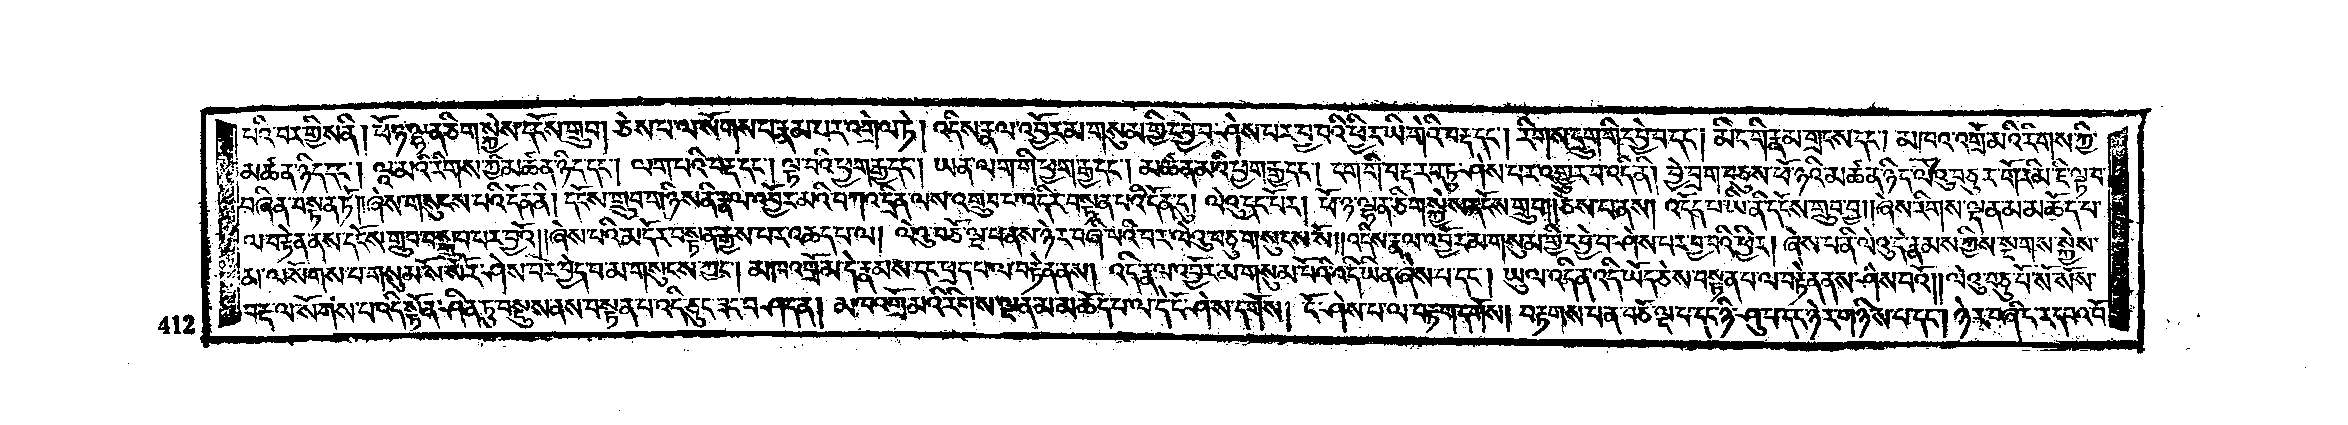པའི་བར་གྱིས་ནི། ཕོ་ཉ་ལྷན་ཅིག་སྐྱེས་དངོས་གྲུབ། ཅེས་པ་ལ་སོགས་པ་རྣམ་པར་འགྲེལ་ཏེ། འདིས་རྣལ་འབྱོར་མ་གསུམ་གྱི་དབྱེ་བ་ཤེས་པར་བྱ་བའི་ཕྱིར་ཡི་གེའི་བརྡ་དང་། རིགས་དྲུག་གི་དབྱེ་བ་དང་། མིང་གི་རྣམ་གྲངས་དང་། མཁའ་འགྲོ་མའི་རིགས་ཀྱི་
མཚན་ཉིད་དང་། ལཱ་མའི་རིགས་ཀྱི་མཚན་ཉིད་དང་། ལག་པའི་བརྡེ་དང་། ལྟ་བའི་ཕྱག་རྒྱ་དང་། ཡན་ལག་གི་ཕྱག་རྒྱ་དང་། མཚན་མའི་ཕྱག་རྒྱ་དང་། ངག་གི་བརྡ་རབ་ཏུ་ཤེས་པར་འགྱུར་བ་འདི་ནི། བྱེ་བྲག་བཅུས་ཕོ་ཉའི་མཚན་ཉིད་ལེའུ་བཅུར་གོ་རིམ་ཇི་ལྟ་བ་
བཞིན་བསྟན་ཏོ། །ཞེས་གསུངས་པའི་དོན་ནི། དངོས་གྲུབ་གཉིས་ནི་རྣལ་འབྱོར་མའི་བཀའ་དྲིན་ལས་འགྲུབ་པ་འདིར་བསྟན་པའི་དོན་དུ། ལེའུ་དང་པོར། ཕོ་ཉ་ལྷན་ཅིག་སྐྱེས་དངོས་གྲུབ། །ཅེས་པ་ནས། འདོད་པ་ཡི་ནི་དངོས་གྲུབ་བྱ། །ཞེས་རིགས་ལྡན་མ་མཆོད་པ་
ལ་བརྟེན་ནས་དངོས་གྲུབ་བསྒྲུབ་པར་བྱའོ། །ཞེས་པའི་མདོར་བསྟན་རྒྱས་པར་འཆད་པ་ལ། ལེའུ་བཅོ་ལྔ་པ་ནས་ཉེར་བཞི་པའི་བར་ལེའུ་བཅུ་གསུངས་སོ། །འདིས་རྣལ་འབྱོར་མ་གསུམ་གྱི་དབྱེ་བ་ཤེས་པར་བྱ་བའི་ཕྱིར་། ཞེས་པ་ནི་ལེའུ་དེ་རྣམས་ཀྱི་སྔགས་སྐྱེས་
མ་ལ་སོགས་པ་གསུམ་སོ་སོར་ཤེས་པར་བྱེད་པ་མ་གསུངས་ཀྱང་། མཁའ་འགྲོ་མ་དེ་རྣམས་དང་ཕྲད་པ་ལ་བརྟེན་ནས། །འདི་རྣལ་འབྱོར་མ་གསུམ་པོའི་འདི་ཡིན་ཞེས་པ་དང་། ཡུལ་འདི་ན་འདི་ཡོད་ཅེས་བསྟན་པ་ལ་བརྟེན་ནས་ཤེས་པའོ། །ལེའུ་བཅུ་པོ་སོ་སོས་
བརྡ་ལ་སོགས་པ་འདི་སྟོན་ཤིན་ཏུ་བསྡུས་ནས་བསྟན་པ་འདི་ཅུང་ཟད་བཤད་ན། མཁའ་འགྲོ་མའི་རིགས་ལྡན་མ་མཆོད་པ་ལ་དེ་ངོ་ཤེས་དགོས། ངོ་ཤེས་པ་ལ་བརྟག་དགོས། བརྟགས་པ་ན་བཅོ་ལྔ་པ་དང་ཉི་ཤུ་པ་དང་ཉེར་གཉིས་པ་དང་། ཉེར་བཞི་པར་དཔའ་བོ་